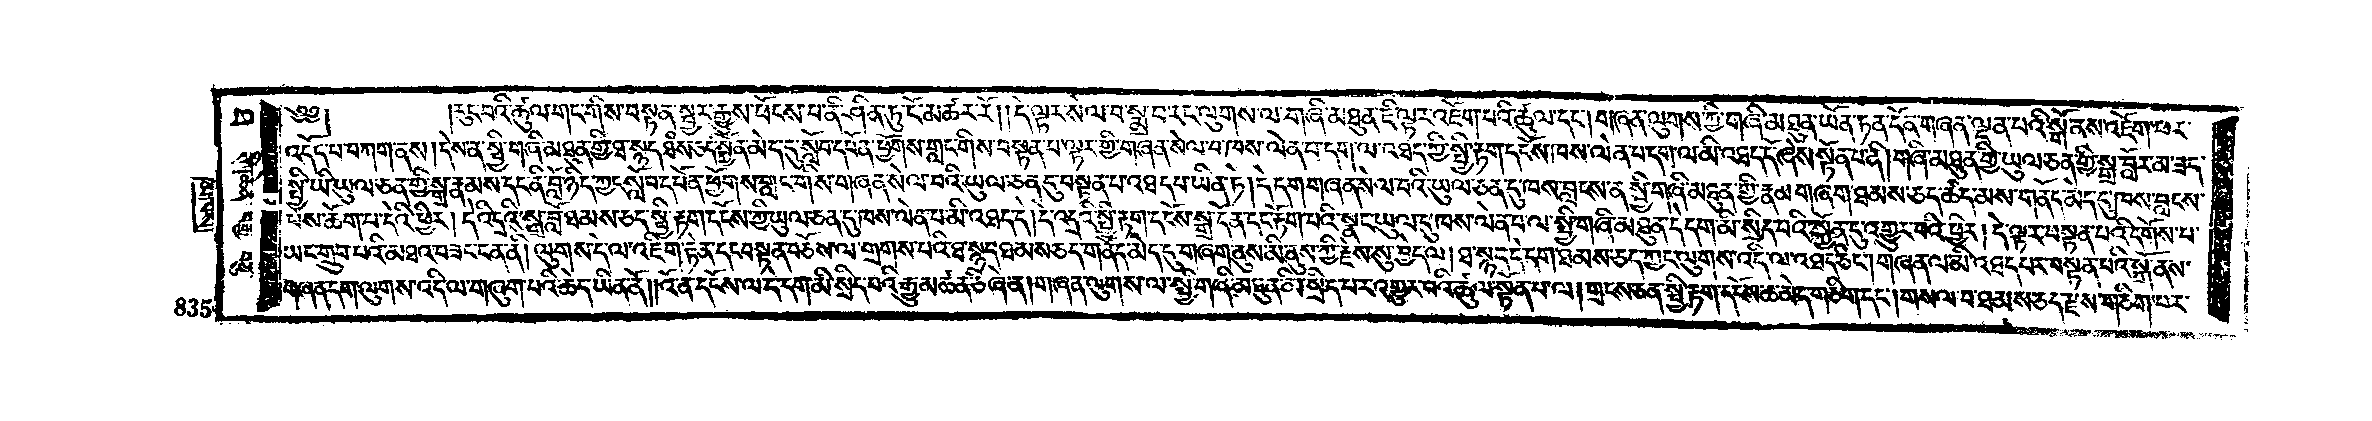༄༅། །རུང་བའི་ཚུལ་གང་གིས་བསྟན་སྦྱར་རྒྱུས་ཕོངས་པ་ནི་ཤིན་ཏུ་ངོ་མཚར་རོ། །དེ་ལྟར་སེལ་བ་སྨྲ་བ་རང་ལུགས་ལ་གཞི་མཐུན་ཇི་ལྟར་འཇོག་པའི་ཚུལ་དང་། གཞན་ལུགས་ཀྱི་གཞི་མཐུན་ཡོན་ཏན་དོན་གཞན་ལྡན་པའི་སྒོ་ནས་འཇོག་པར་
འདོད་པ་བཀག་ནས། དེས་ན་སྤྱི་གཞི་མཐུན་གྱི་ཐ་སྙད་ཐམས་ཅད་སྐྱོན་མེད་དུ་སློབ་དཔོན་ཕྱོགས་གླང་གིས་བསྟན་པ་ལྟར་གྱི་གཞན་སེལ་བ་ཁས་ལེན་པ་དག་ལ་འཐད་ཀྱི་སྤྱི་རྟག་དངོས་ཁས་ལེན་པ་དག་ལ་མི་འཐད་དོ་ཞེས་སྟོན་པ་ནི། གཞི་མཐུན་གྱི་ཡུལ་ཅན་གྱི་སྒྲ་བློར་མ་ཟད་
སྤྱི་ཡི་ཡུལ་ཅན་གྱི་སྒྲ་རྣམས་དང་ནི་བློ་ཉིད་ཀྱང་སློབ་དཔོན་ཕྱོགས་གླང་གིས་གཞན་སེལ་བའི་ཡུལ་ཅན་དུ་བསྟན་པ་འཐད་པ་ཡིན་ཏེ། དེ་དག་གཞན་སེལ་བའི་ཡུལ་ཅན་དུ་ཁས་བླངས་ན་སྤྱི་གཞི་མཐུན་གྱི་རྣམ་གཞག་ཐམས་ཅད་ཚད་མས་གནོད་མེད་དུ་ཁས་བླངས་
པས་ཆོག་པ་དེའི་ཕྱིར། དེ་འདྲའི་སྒྲ་བློ་ཐམས་ཅད་སྤྱི་རྟག་དངོས་ཀྱི་ཡུལ་ཅན་དུ་ཁས་ལེན་པ་མི་འཐད་དེ། དེ་འདྲའི་སྤྱི་རྟག་དངོས་སྒྲ་དོན་དང་རྟོག་པའི་སྣང་ཡུལ་དུ་ཁས་ལེན་པ་ལ་སྤྱི་གཞི་མཐུན་དེ་དག་མི་སྲིད་པའི་སྐྱོན་དུ་འགྱུར་བའི་ཕྱིར། དེ་ལྟར་བསྟན་པའི་དགོས་པ་
ཡང་གྲུབ་པའི་མཐའ་བཟང་ངན་ནི། ལུགས་དེ་ལ་འཇིག་རྟེན་དང་བསྟན་བཅོས་ལ་གྲགས་པའི་ཐ་སྙད་ཐམས་ཅད་གནོད་མེད་དུ་གཞག་ནུས་མི་ནུས་ཀྱི་རྗེས་སུ་བྱེད་ལ། ཐ་སྙད་དེ་དག་ཐམས་ཅད་ཀྱང་ལུགས་འདི་ལ་འཐད་ཅིང་། གཞན་ལ་མི་འཐད་པར་བསྟན་པའི་སྒོ་ནས་
གཞན་དག་ལུགས་འདི་ལ་གཞུག་པའི་ཆེད་ཡིན་ནོ། །འོ་ན་དངོས་ལ་དེ་དག་མི་སྲིད་པའི་རྒྱུ་མཚན་ཅི་ཞེ་ན། གཞན་ལུགས་ལ་སྤྱི་གཞི་མཐུན་མི་སྲིད་པར་འགྱུར་བའི་ཚུལ་སྟོན་པ་ལ། གྲངས་ཅན་སྤྱི་རྟག་དངོས་ཆ་མེད་གཅིག་དང་། གསལ་བ་ཐམས་ཅད་རྫས་གཅིག་པར་